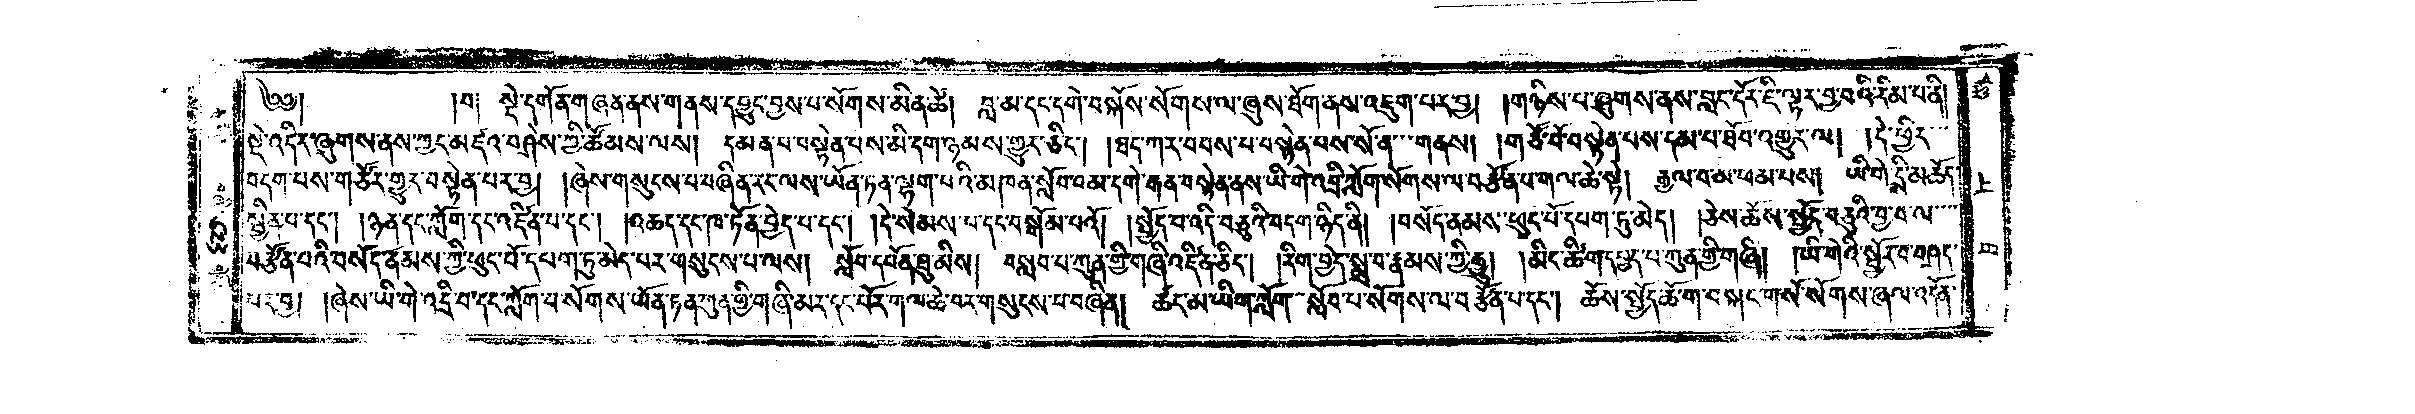༄༅། །བ། སྡེ་དགོན་གཞན་ནས་གནས་དབྱུང་བྱས་པ་སོགས་མིན་ཚེ། བླ་མ་དང་དགེ་བསྐོས་སོགས་ལ་ཞུས་ཐོག་ནས་འཇུག་པར་བྱ། །གཉིས་པ་ཞུགས་ནས་བླང་དོར་ཇི་ལྟར་བྱ་བའི་རིམ་པ་ནི།
སྡེ་འདིར་ཞུགས་ནས་ཀྱང་མཛའ་བཤེས་ཀྱི་ཚོམས་ལས། དམན་པ་བསྟེན་པས་མི་དག་ཉམས་གྱུར་ཅིང་། །ཐད་ཀར་བབས་པ་བསྟེན་པས་སོ་ན་གནས། །གཙོ་བོ་བསྟེན་པས་དམ་པ་ཐོབ་འགྱུར་ལ། །དེ་ཕྱིར་
བདག་པས་གཙོར་གྱུར་བསྟེན་པར་བྱ། །ཞེས་གསུངས་པ་བཞིན་རང་ལས་ཡོན་ཏན་ལྷག་པའི་མཁན་སློབ་བམ་དགེ་རྒན་བསྟེན་ནས་ཡི་གེ་འབྲི་ཀློག་སོགས་ལ་བརྩོན་པ་གལ་ཆེ་སྟེ། རྒྱལ་བ་མ་ཕམ་པས། ཡི་གེ་འདྲི་མཆོད་
སྦྱིན་པ་དང་། །ཉན་དང་ཀློག་དང་འཛིན་པ་དང་། །འཆད་དང་ཁ་ཏོན་བྱེད་པ་དང་། །དེ་སེམས་པ་དང་བསྒོམ་པའོ། །སྤྱོད་པ་འདི་བཅུའི་བདག་ཉིད་ནི། །བསོད་ནམས་ཕུང་པོ་དཔག་ཏུ་མེད། །ཅེས་ཆོས་སྤྱོད་བཅུའི་བྱ་བ་ལ་
བརྩོན་པའི་བསོད་ནམས་ཀྱི་ཕུང་པོ་དཔག་ཏུ་མེད་པར་གསུངས་པ་ལས། སློབ་དཔོན་ཐུ་མིས། བསླབ་པ་ཀུན་གྱི་གཞི་འཛིན་ཅིང་། །རིག་བྱེད་སྨྲ་བ་རྣམས་ཀྱི་རྒྱུ། །མིང་ཚིག་དཔྱད་པ་ཀུན་གྱི་གཞི། །ཡི་གེའི་སྦྱོར་བ་བཤད་
པར་བྱ། །ཞེས་ཡི་གེ་འདྲི་བ་དང་ཀློག་པ་སོགས་ཡོན་ཏན་ཀུན་གྱི་གཞི་མར་དང་པོར་གལ་ཆེ་བར་གསུངས་པ་བཞིན། ཚང་མ་ཡིག་ཀློག་སློབ་པ་སོགས་ལ་བརྩོན་པ་དང་། ཆོས་སྤྱོད་ཆོ་ག་བསྐང་གསོ་སོགས་ཞལ་འདོན་